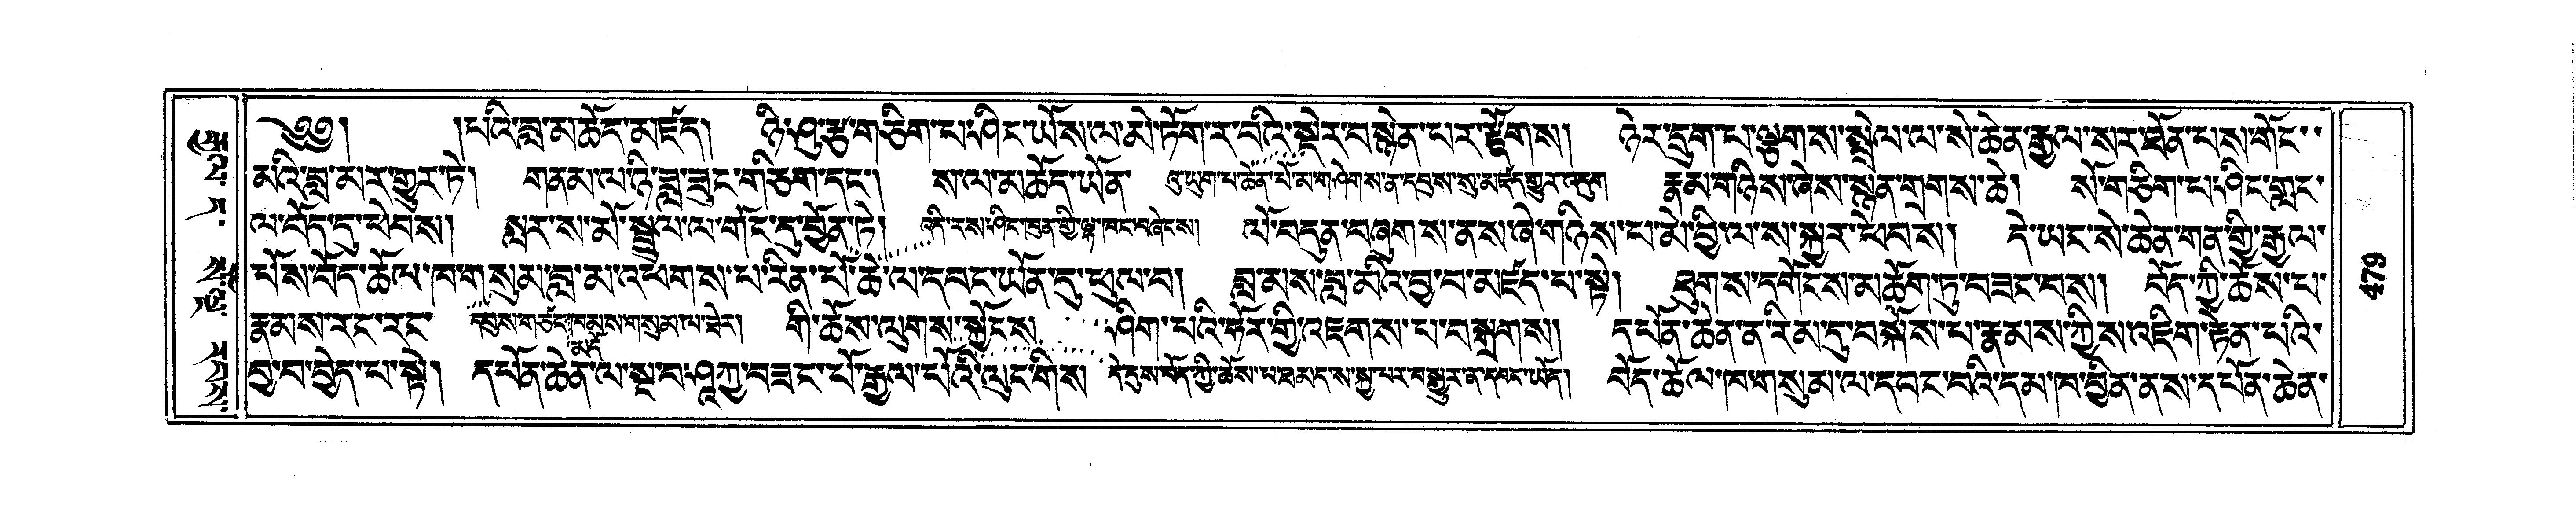༄༅། །པའི་བླ་མཆོད་མཛད། ཉི་ཤུ་རྩ་གཅིག་པ་ཤིང་ཡོས་ལ་མེ་ཏོག་ར་བའི་སྡེར་བསྙེན་པར་རྫོགས། ཉེར་དྲུག་པ་ལྕགས་སྤྲེལ་ལ་སེ་ཆེན་རྒྱལ་སར་ཐོན་པས་གོང་
མའི་བླ་མར་གྱུར་ཏེ། གནམ་ལ་ཉི་ཟླ་ཟུང་གཅིག་དང་། ས་ལ་མཆོད་ཡོན་འུ་ཡུག་པ་ཆེན་པོ་མ་གཤེགས་ན་དབུས་སུ་མཛད་གྱུར་འདུག་རྣམ་གཉིས་ཞེས་སྙན་གྲགས་ཆེ། སོ་གཅིག་པ་ཤིང་གླང་
ལ་བོད་དུ་ཕེབས། སླར་ས་མོ་སྦྲུལ་ལ་གོང་དུ་བྱོན་ཏེ། འདི་རས་ཤིང་ཁུན་གྱི་ལྷ་ཁང་བཞེངས།  ལོ་བདུན་བཞུགས་ནས་ཞེ་གཉིས་པ་མེ་བྱི་ལ་ས་སྐྱར་ཕེབས། དེ་ཡང་སེ་ཆེན་གན་གྱི་རྒྱལ་
པོས་བོད་ཆོལ་ཁ་གསུམ་བླ་མ་འཕགས་པ་རིན་པོ་ཆེ་ལ་དབང་ཡོན་དུ་ཕུལ་བ། བླ་མས་བླ་མའི་བྱ་བ་མཛད་པ་སྟེ། ཐུགས་དགོངས་མཆོག་ཏུ་བཟང་བས། བོད་ཀྱི་ཆོས་པ་
རྣམས་རང་རང་དབུས་གཙང་མདོ་ཁམས་གསུམ་ལ་ཟེར།  གི་ཆོས་ལུགས་སྐྱོངས། ཤིག་པའི་ཧོར་གྱི་འཇགས་པ་བསྒྲགས། དཔོན་ཆེན་ན་རིམ་དུ་བསྐོས་པ་རྣམས་ཀྱིས་འཇིག་རྟེན་པའི་
བྱ་བ་བྱེད་པ་སྟེ། དཔོན་ཆེན་ལ་སྔ་བ་ཤཱཀྱ་བཟང་པོ་རྒྱལ་པོའི་ལུང་གིས་དེ་དུས་བོད་ཀྱི་ཆོས་པ་ཐྨད་ས་སྐྱ་པར་བསྒྱུར་ན་དབང་ཡོད།  བོད་ཆོལ་ཁ་གསུམ་ལ་དབང་བའི་དམ་ཁ་བྱིན་ནས་དཔོན་ཆེན་